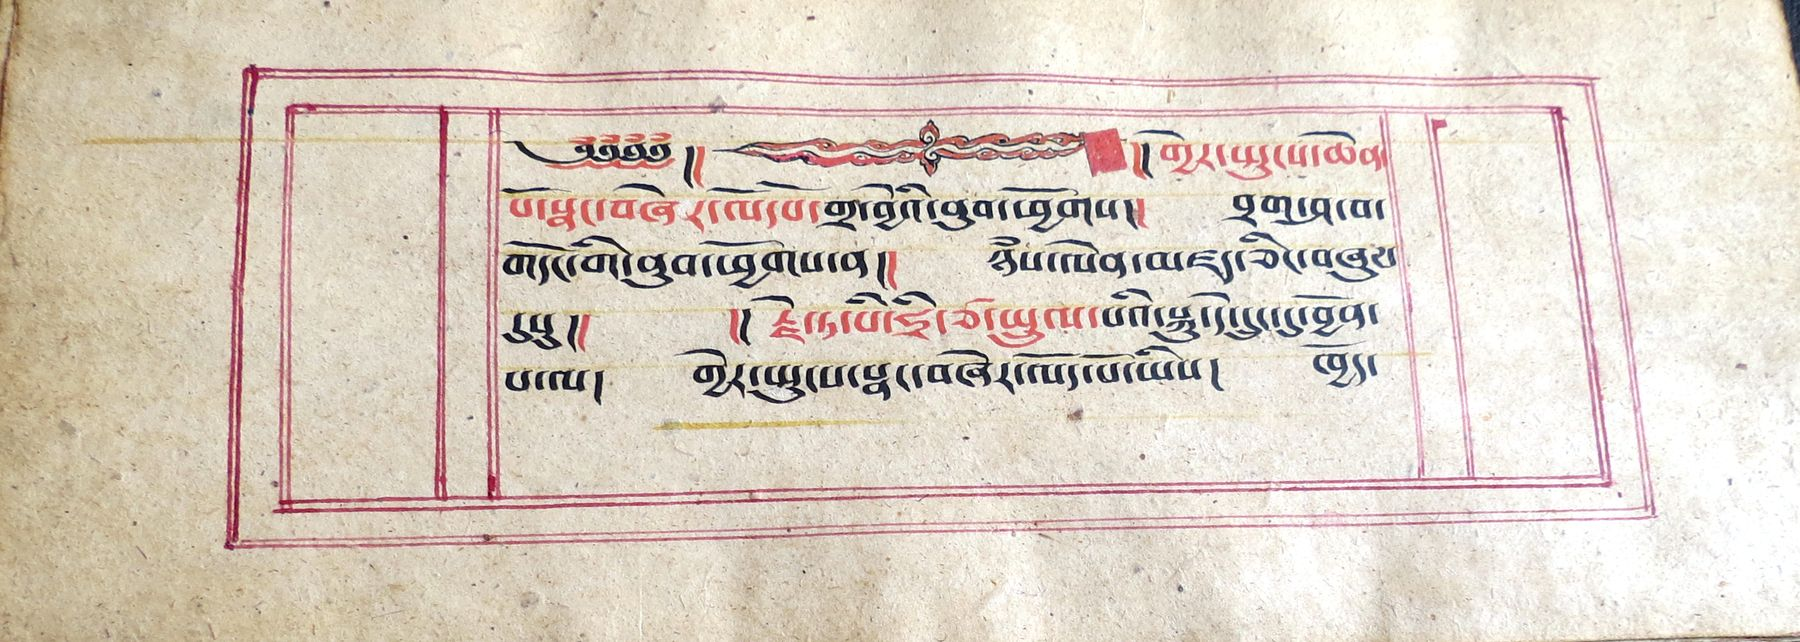གྱེར་སྤུངས་ཆེན་
པོ་སྣང་བཞེར་ལོད་པོ་དྲ་བྱེའི་ནུབ་ཕྱོགས་བྲག་ཤ་བ་
གདོང་གི་ནུབ་ཕྱོགས་ན། ཉམས་ལེན་མཛད་ཅིང་བཞུགས་
དུས་སུ། རྗེ་ཏ་པི་ཧྲི་ཙ་སྤྲུལ་པའི་སྐུ་དེ་དྲུང་དུ་བྱོན་
པ་ལ། གྱེར་སྤུངས་སྣང་བཞེར་ལོད་པོ་ཡིས། ཁྱོད་